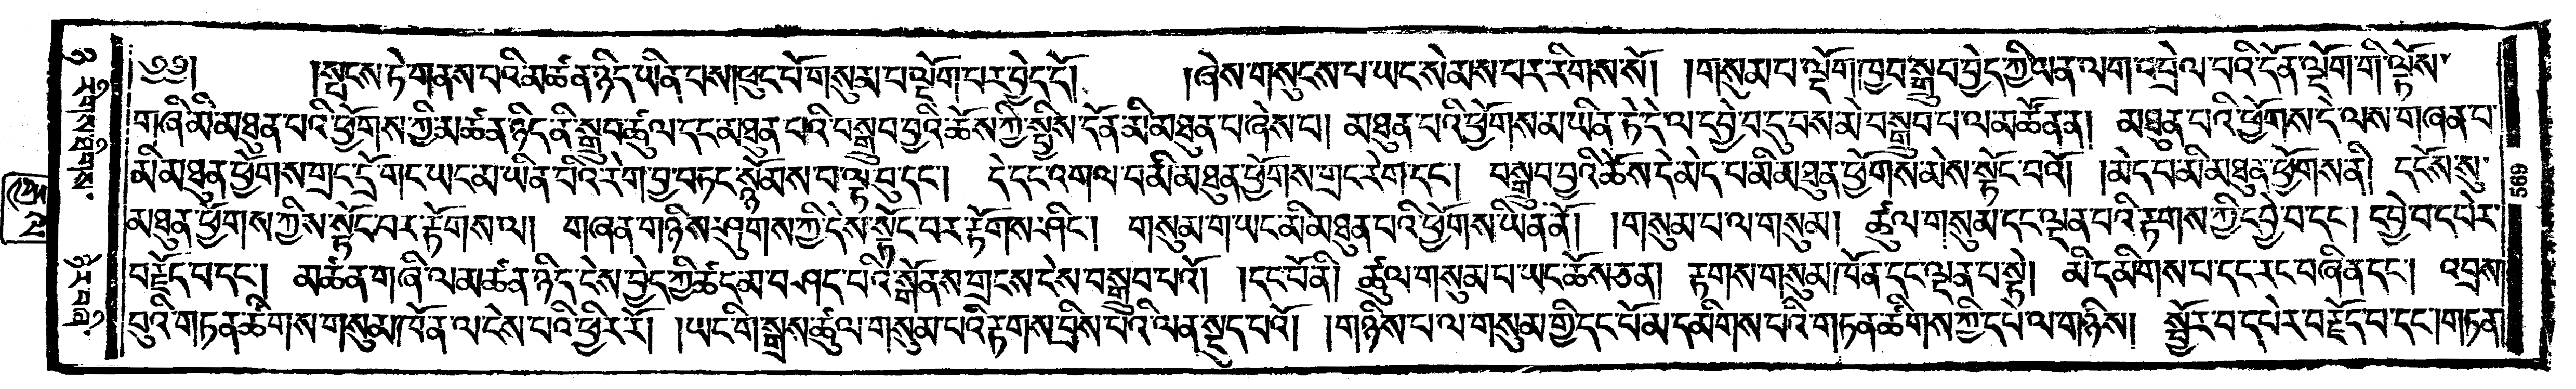༄༅། །སྤངས་ཏེ་གནས་པའི་མཚན་ཉིད་ཡིན་པས། ཕུང་པོ་གསུམ་པ་ལྡོག་པར་བྱེད་དོ། །ཞེས་གསུངས་པ་ཡང་སེམས་པར་རིགས་སོ། །གསུམ་པ་ལྡོག་ཁྱབ་སྒྲུབ་བྱེད་ཀྱི་ཡན་ལག་འབྲེལ་པའི་དོན་ལྡོག་གི་ལྟོས་
གཞི་མི་མཐུན་པའི་ཕྱོགས་ཀྱི་མཚན་ཉིད་ནི་སྒྲུབ་ཚུལ་དང་མཐུན་པའི་བསྒྲུབ་བྱའི་ཆོས་ཀྱི་སྤྱིས་དོན་མི་མཐུན་པ་ཞེས་པ། མཐུན་པའི་ཕྱོགས་མ་ཡིན་ཏེ་དེ་ལ་དབྱེ་བ་དུ་བས་མེ་བསྒྲུབ་པ་ལ་མཚོན་ན། མཐུན་པའི་ཕྱོགས་དེ་ལས་གཞན་པ་
མི་མཐུན་ཕྱོགས་གྲང་དྲོ་གང་ཡང་མ་ཡིན་པའི་རེག་བྱ་བཏང་སྙོམས་པ་ལྟ་བུ་དང་། དེ་དང་འགལ་བ་མི་མཐུན་ཕྱོགས་གྲང་རེག་དང་། བསྒྲུབ་བྱའི་ཆོས་དེ་མེད་པ་མི་མཐུན་ཕྱོགས་མེས་སྟོང་བའོ། །མེད་བ་མི་མཐུན་ཕྱོགས་ནི། དངོས་སུ་
མཐུན་ཕྱོགས་ཀྱིས་སྟོང་བར་རྟོགས་ལ། གཞན་གཉིས་ཤུགས་ཀྱི་དེས་སྟོང་བར་རྟོགས་ཤིང་། གསུམ་ག་ཡང་མི་མཐུན་པའི་ཕྱོགས་ཡིན་ནོ། །གསུམ་པ་ལ་གསུམ། ཚུལ་གསུམ་དང་ལྡན་པའི་རྟགས་ཀྱི་དབྱེ་བ་དང་། དབྱེ་བ་དཔེར་
བརྗོད་པ་དང་། མཚན་གཞི་ལ་མཚན་ཉིད་ངེས་བྱེད་ཀྱི་ཚད་མ་བཤད་པའི་སྒོ་ནས་གྲངས་ངེས་བསྒྲུབ་པའོ། །དང་པོ་ནི། ཚུལ་གསུམ་པ་ཡང་ཆོས་ཅན། རྟགས་གསུམ་ཁོ་ན་དང་ལྡན་པ་སྟེ། མི་དམིགས་པ་དང་རང་བཞིན་དང་། འབྲས་
བུའི་གཏན་ཚིགས་གསུམ་ཁོ་ན་ལ་ངེས་པའི་ཕྱིར་རོ། །ཡང་གི་སྒྲས་ཚུལ་གསུམ་པའི་རྟགས་བྲིས་པའི་ལན་སྡུད་པའོ། །གཉིས་པ་ལ་གསུམ་གྱི་དང་པོ་མ་དམིགས་པའི་གཏན་ཚིགས་ཀྱི་དཔེ་ལ་གཉིས། སྦྱོར་བ་དཔེར་བརྗོད་པ་དང་། གཏན་